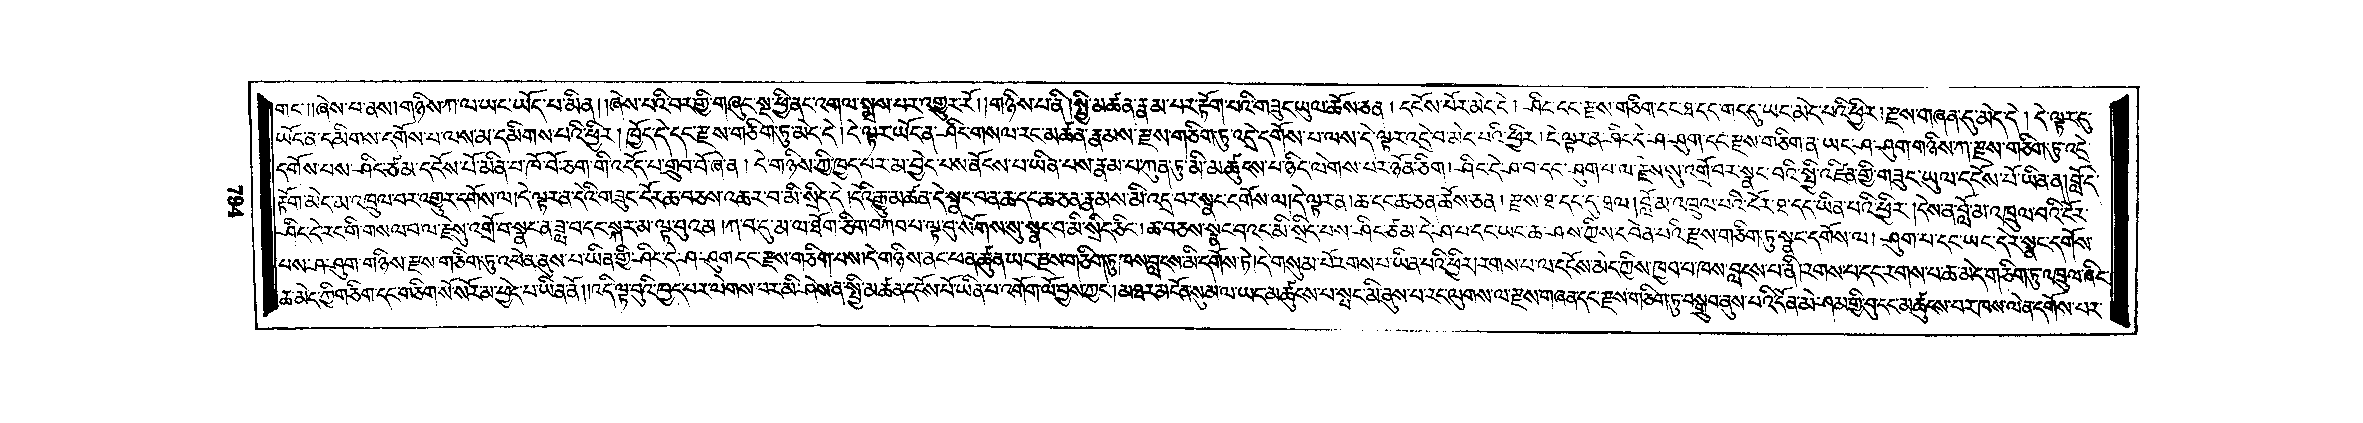གང་། །ཞེས་པ་ནས། གཉིས་ཀ་ལ་ཡང་ཡོད་པ་མིན། །ཞེས་པའི་བར་གྱི་གཞུང་སྔ་ཕྱི་ནང་འགལ་སྨྲས་པར་འགྱུར་རོ། །གཉིས་པ་ནི། སྤྱི་མཚན་རྣམ་པར་རྟོག་པའི་གཟུང་ཡུལ་ཆོས་ཅན། དངོས་པོར་མེད་དེ། ཤིང་དང་རྫས་གཅིག་དང་ཐ་དད་གང་དུ་ཡང་མེད་པའི་ཕྱིར། རྫས་གཞན་དུ་མེད་དེ། དེ་ལྟར་དུ་
ཡོད་ན་དམིགས་དགོས་པ་ལས་མ་དམིགས་པའི་ཕྱིར། ཁྱོད་དེ་དང་རྫས་གཅིག་ཏུ་མེད་དེ། དེ་ལྟར་ཡོད་ན་ཤིང་གསལ་རང་མཚན་རྣམས་རྫས་གཅིག་ཏུ་འདྲེ་དགོས་པ་ལས་དེ་ལྟར་འདྲེ་བ་མེད་པའི་ཕྱིར། དེ་ལྟར་ན་ཤིང་དེ་ཤ་ཤུག་དང་རྫས་གཅིག་ན་ཡང་ཤ་ཤུག་གཉིས་ཀ་རྫས་གཅིག་ཏུ་འདྲེ་
དགོས་པས་ཤིང་ཙམ་དངོས་པོ་མིན་པ་ཁོ་བོ་ཅག་གི་འདོད་པ་གྲུབ་བོ་ཞེ་ན། དེ་གཉིས་ཀྱི་ཁྱད་པར་མ་བྱེད་པས་ནོངས་པ་ཡིན་པས་རྣམ་པ་ཀུན་ཏུ་མི་མཚུངས་པ་ཉིད་ལེགས་པར་ཉོན་ཅིག །ཤིང་དེ་ཤ་བ་དང་ཤུག་པ་ལ་རྗེས་སུ་འགྲོ་བར་སྣང་བའི་སྤྱི་འཛིན་གྱི་གཟུང་ཡུལ་དངོས་པོ་ཡིན་ན། བློ་དེ་
རྟོག་མེད་མ་འཁྲུལ་བར་འགྱུར་དགོས་ལ། དེ་ལྟར་ན་དེའི་གཟུང་ངོར་ཆ་བཅས་འཆར་བ་མི་སྲིད་དེ། དེའི་རྒྱུ་མཚན་དེ་སྣང་བ་ན་ཆ་དང་ཆ་ཅན་རྣམས་མི་འདྲ་བར་སྣང་དགོས་ལ། དེ་ལྟར་ན། ཆ་དང་ཆ་ཅན་ཆོས་ཅན། རྫས་ཐ་དད་དུ་ཐལ། བློ་མ་འཁྲུལ་བའི་ངོར་ཐ་དད་ཡིན་པའི་ཕྱིར། དེས་ན་བློ་མ་འཁྲུལ་བའི་ངོར་
ཤིང་དེ་རང་གི་གསལ་བ་ལ་རྗེས་སུ་འགྲོ་བ་སྣང་ན་ཟླ་བ་དང་སྐར་མ་ལྟ་བུའམ། ཀ་བ་དུ་མ་ལ་ཐོག་ཅིག་བཀབ་པ་ལྟ་བུ་སོགས་སུ་སྣང་བ་མི་སྲིད་ཅིང་། ཆ་བཅས་སྣང་བའང་མི་སྲིད་པས་ཤིང་ཙམ་དེ་ཤ་པ་དང་ཡང་ཆ་ཤས་ཀྱིས་དབེན་པའི་རྫས་གཅིག་ཏུ་སྣང་དགོས་ལ། ཤུག་པ་དང་ཡང་དེར་སྣང་དགོས་
པས་ཤ་ཤུག་གཉིས་རྫས་གཅིག་ཏུ་འཕེན་ནུས་པ་ཡིན་གྱི་ཤིང་དེ་ཤ་ཤུག་དང་རྫས་གཅིག་པས། དེ་གཉིས་ནང་ཕན་ཚུན་ཡང་རྫས་གཅིག་ཏུ་ཁས་བླངས་མི་དགོས་ཏེ། དེ་གསུམ་པོ་རགས་པ་ཡིན་པའི་ཕྱིར། རགས་པ་ལ་དངོས་མེད་ཀྱིས་ཁྱབ་པ་ཁས་བླངས་པ་ནི། རགས་པ་དང་རགས་པ་ཆ་མེད་གཅིག་ཏུ་འཁྲུལ་ཞིང་
ཆ་མེད་ཀྱི་གཅིག་དང་གཅིག་སོ་སོར་མ་ཕྱེད་པ་ཡིན་ནོ། །འདི་ལྟ་བུའི་ཁྱད་པར་ལེགས་པར་མི་ཤེས་ན་སྤྱི་མཚན་དངོས་པོ་ཡིན་པ་འགོག་ལོ་བྱས་ཀྱང་། མཐར་མངོན་སུམ་ལ་ཡང་མཚུངས་པ་སྤང་མི་ནུས་པ་རང་ལུགས་ལ་རྫས་གཞན་དང་རྫས་གཅིག་ཏུ་བསྒྲུབ་ནུས་པའི་དོན་མེ་ཤམ་གྱི་བུ་དང་མཚུངས་པར་ཁས་ལེན་དགོས་པར་